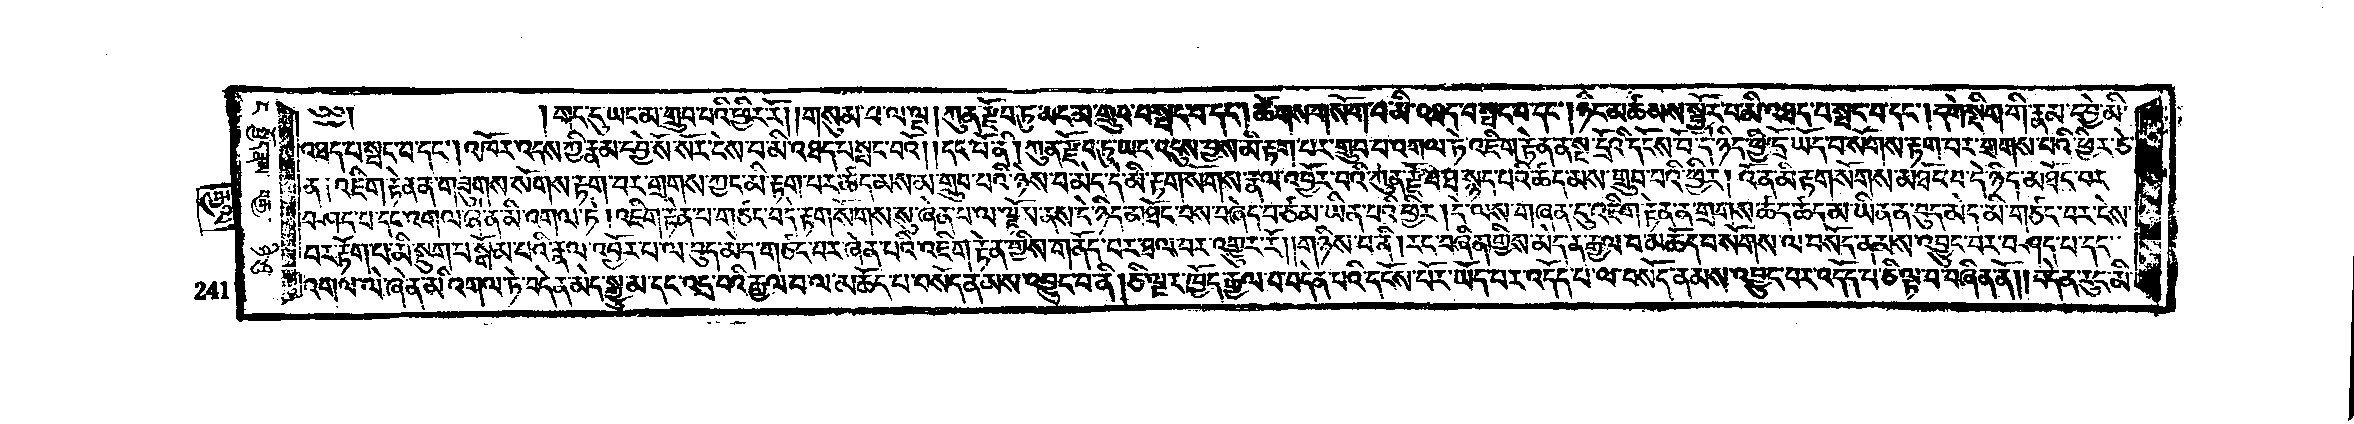གང་དུ་ཡང་མ་གྲུབ་པའི་ཕྱིར་རོ། །གསུམ་པ་ལ་ལྔ། ཀུན་རྫོབ་ཏུ་མང་མ་གྲུབ་པ་སྤང་བ་དང་། ཚོགས་གསོག་པ་མི་འཐད་པ་སྤང་བ་དང་། ཡིད་མཚམས་སྦྱོར་བ་མི་འཐད་པ་སྤང་བ་དང་། དགེ་སྡིག་གི་རྣམ་དབྱེ་མི་
འཐད་པ་སྤང་བ་དང་། འཁོར་འདས་ཀྱི་རྣམ་དབྱེ་སོ་སོར་ངེས་པ་མི་འཐད་པ་སྤང་བའོ། །དང་པོ་ནི། ཀུན་རྫོབ་ཏུ་ཡང་འདུས་བྱས་མི་རྟག་པར་གྲུབ་པ་འགལ་ཏེ་འཇིག་རྟེན་ན་སྔ་དྲིའོའི་དངོས་པོ་དེ་ཉིད་ཕྱི་དྲོ་ཡོད་པ་སོགས་རྟག་པར་གྲགས་པའི་ཕྱིར་ཅེ་
ན༑ འཇིག་རྟེན་ན་གཟུགས་སོགས་རྟག་པར་གྲགས་ཀྱང་མི་རྟག་པར་ཚད་མས་མ་གྲུབ་པའི་ཉེས་པ་མེད་དེ་མི་རྟག་སོགས་རྣལ་འབྱོར་པའི་ཀུན་རྫོབ་ཐ་སྙད་པའི་ཚད་མས་གྲུབ་པའི་ཕྱིར། འོ་ན་མི་རྟག་སོགས་མཐོང་བ་དེ་ཉིད་མཐོང་བར་
བཤད་པ་དང་འགལ་ཞེ་ན་མི་འགལ་ཏེ། འཇིག་རྟེན་པ་གཙང་བདེ་རྟག་སོགས་སུ་ཞེན་པ་ལ་ལྟོས་ནས་དེ་ཉིད་མཐོང་བས་བཞེད་པ་ཙམ་ཡིན་པའི་ཕྱིར། དེ་ལས་གཞན་དུ་འཇིག་རྟེན་ན་གྲགས་ཚད་ཚད་མ་ཡིན་ན་བུད་མེད་མི་གཙང་བར་ངེས་
པར་རྟོག་པ་མི་སྡུག་པ་སྒོམ་པའི་རྣལ་འབྱོར་པ་ལ་བུད་མེད་གཙང་བར་ཞེན་པའི་འཇིག་རྟེན་གྱིས་གནོད་པར་ཐལ་བར་འགྱུར་རོ། །གཉིས་པ་ནི། རང་བཞིན་གྱིས་མེད་ན་རྒྱལ་བ་མཆོད་པ་སོགས་ལ་བསོད་ནམས་འབྱུང་བར་བཤད་པ་དང་
འགལ་ལེ་ཞེ་ན་མི་འགལ་ཏེ་བདེན་མེད་སྒྱུ་མ་དང་འདྲ་བའི་རྒྱལ་བ་ལ་མཆོད་པ་བསོད་ནམས་འབྱུང་བ་ནི། ཅི་ལྔར་ཁྱོད་རྒྱལ་བ་བདེན་པའི་དངོས་པོར་ཡོད་པར་འདོད་པ་ལ་བསོད་ནམས་འབྱུང་བར་འདོད་པ་ཅི་ལྟ་བ་བཞིན་ནོ། །བདེན་རུང་མི་